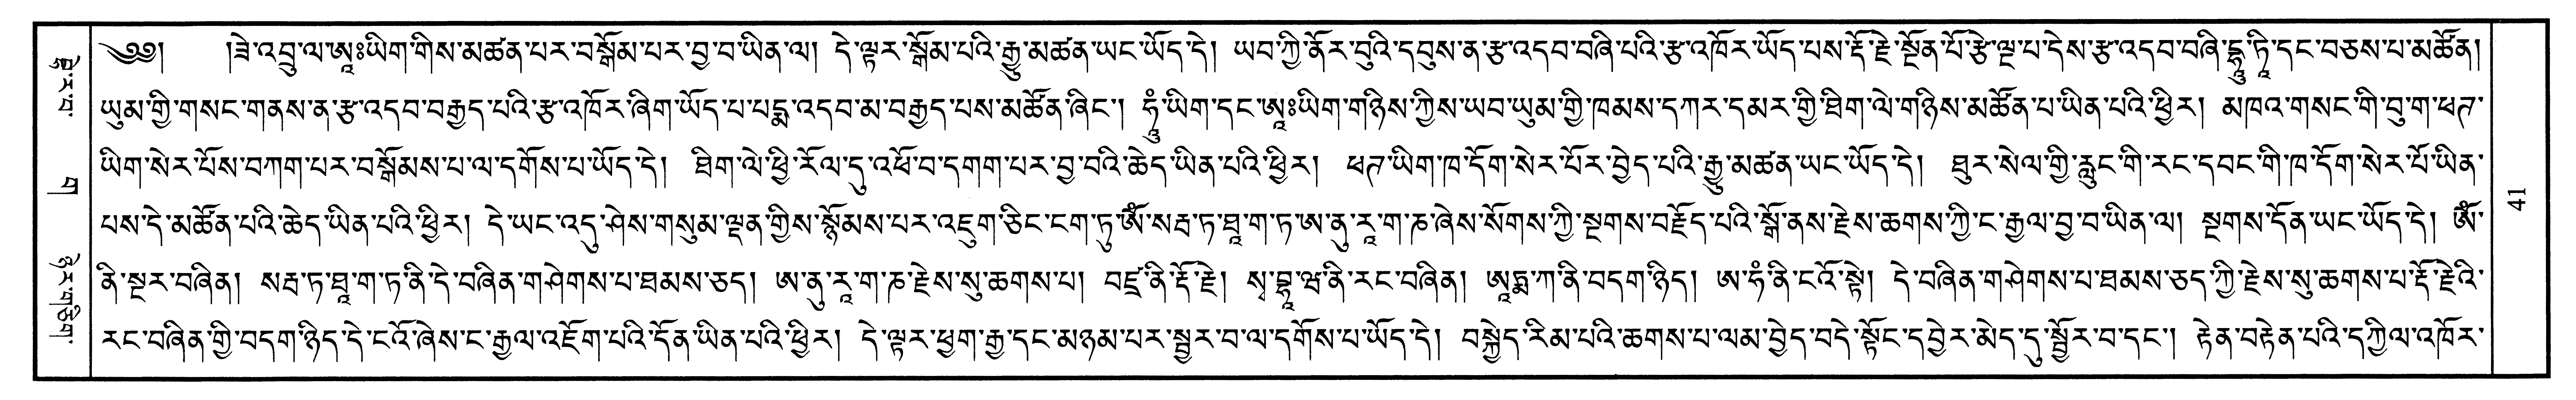༄༅། །ཟེ་འབྲུ་ལ་ཨཱཿ ཡིག་གིས་མཚན་པར་བསྒོམ་པར་བྱ་བ་ཡིན་ལ། དེ་ལྟར་སྒོམ་པའི་རྒྱུ་མཚན་ཡང་ཡོད་དེ། ཡབ་ཀྱི་ནོར་བུའི་དབུས་ན་རྩ་འདབ་བཞི་པའི་རྩ་འཁོར་ཡོད་པས་རྡོ་རྗེ་སྔོན་པོ་རྩེ་ལྔ་པ་དེས་རྩ་འདབ་བཞི་དྷཱུ་ཏཱི་དང་བཅས་པ་མཚོན།
ཡུམ་གྱི་གསང་གནས་ན་རྩ་འདབ་བརྒྱད་པའི་རྩ་འཁོར་ཞིག་ཡོད་པ་པདམ་འདབ་མ་བརྒྱད་པས་མཚོན་ཞིང་། ཧཱུཾ་ཡིག་དང་ཨཱཿ ཡིག་གཉིས་ཀྱིས་ཡབ་ཡུམ་གྱི་ཁམས་དཀར་དམར་གྱི་ཐིག་ལེ་གཉིས་མཚོན་པ་ཡིན་པའི་ཕྱིར། མཁའ་གསང་གི་བུ་ག་ཕཊ་
ཡིག་སེར་པོས་བཀག་པར་བསྒོམས་པ་ལ་དགོས་པ་ཡོད་དེ། ཐིག་ལེ་ཕྱི་རོལ་དུ་འཕོ་བ་དགག་པར་བྱ་བའི་ཆེད་ཡིན་པའི་ཕྱིར། ཕཊ་ཡིག་ཁ་དོག་སེར་པོར་བྱེད་པའི་རྒྱུ་མཚན་ཡང་ཡོད་དེ། ཐུར་སེལ་གྱི་རླུང་གི་རང་དབང་གི་ཁ་དོག་སེར་པོ་ཡིན་
པས་དེ་མཚོན་པའི་ཆེད་ཡིན་པའི་ཕྱིར། དེ་ཡང་འདུ་ཤེས་གསུམ་ལྡན་གྱིས་སྙོམས་པར་འཇུག་ཅིང་ངག་ཏུ་ཨོཾ་སརྦ་ཏ་ཐཱ་ག་ཏ་ཨ་ནུ་རཱ་ག་ཎ་ཞེས་སོགས་ཀྱི་སྔགས་བརྗོད་པའི་སྒོ་ནས་རྗེས་ཆགས་ཀྱི་ང་རྒྱལ་བྱ་བ་ཡིན་ལ། སྔགས་དོན་ཡང་ཡོད་དེ། ཨོཾ་
ནི་སྔར་བཞིན། སརྦ་ཏ་ཐཱ་ག་ཏ་ནི་དེ་བཞིན་གཤེགས་པ་ཐམས་ཅད། ཨ་ནུ་རཱ་ག་ཎ་རྗེས་སུ་ཆགས་པ། བཛྲ་ནི་རྡོ་རྗེ། སྭ་བྷཱ་ཝ་ནི་རང་བཞིན། ཨཱཏྨ་ཀ་ནི་བདག་ཉིད། ཨ་ཧཾ་ནི་ངའོ་སྟེ། དེ་བཞིན་གཤེགས་པ་ཐམས་ཅད་ཀྱི་རྗེས་སུ་ཆགས་པ་རྡོ་རྗེའི་
རང་བཞིན་གྱི་བདག་ཉིད་དེ་ངའོ་ཞེས་ང་རྒྱལ་འཇོག་པའི་དོན་ཡིན་པའི་ཕྱིར། དེ་ལྟར་ཕྱག་རྒྱ་དང་མཉམ་པར་སྦྱར་བ་ལ་དགོས་པ་ཡོད་དེ། བསྐྱེད་རིམ་པའི་ཆགས་པ་ལམ་བྱེད་བདེ་སྟོང་དབྱེར་མེད་དུ་སྦྱོར་བ་དང་། རྟེན་བརྟེན་པའི་དཀྱིལ་འཁོར་